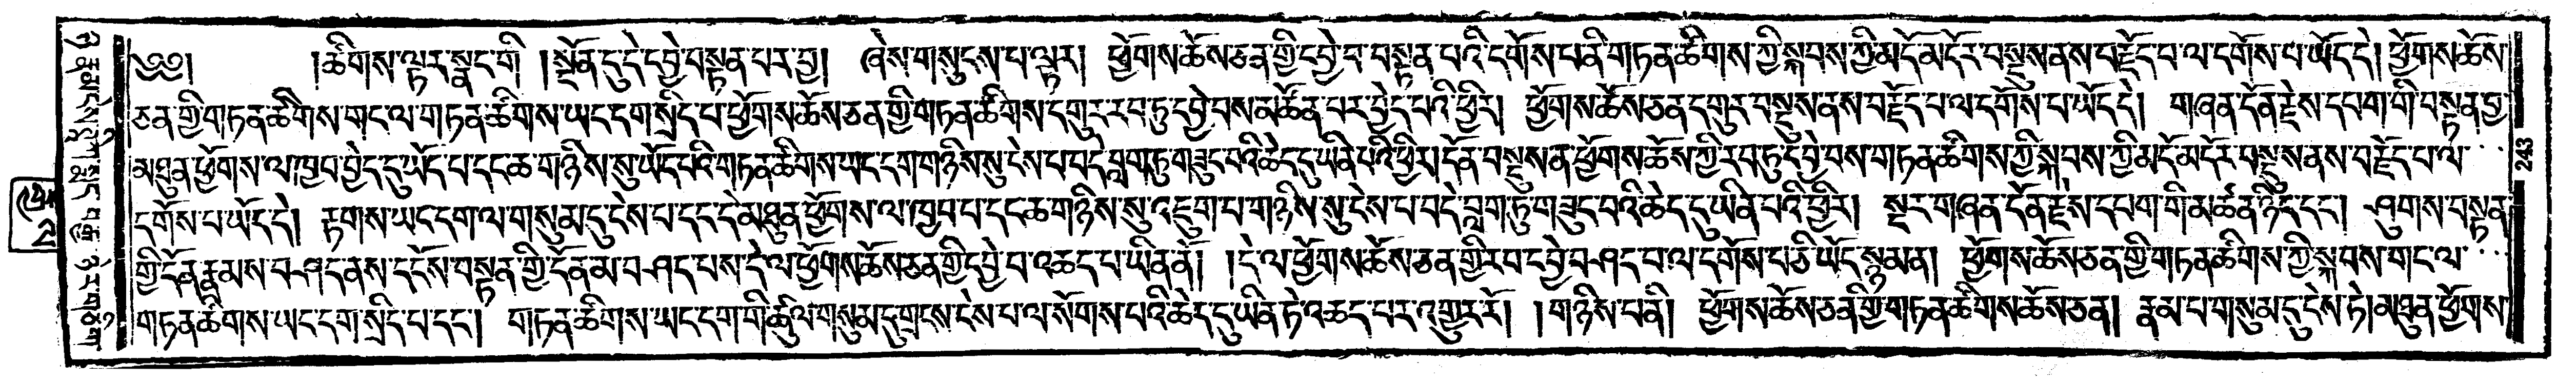༄༅། །ཚིགས་ལྟར་སྣང་གི །སྔོན་དུ་དེ་དབྱེ་བསྟན་པར་བྱ། ཞེས་གསུངས་པ་ལྟར། ཕྱོགས་ཆོས་ཅན་གྱི་དབྱེ་བ་བསྟན་པའི་དགོས་པ་ནི་གཏན་ཚིགས་ཀྱི་སྐབས་ཀྱི་མདོ་མདོར་བསྡུས་ནས་བརྗོད་པ་ལ་དགོས་པ་ཡོད་དེ། ཕྱོགས་ཆོས་
ཅན་གྱི་གཏན་ཚིགས་གང་ལ་གཏན་ཚིགས་ཡང་དག་སྲིད་པ་ཕྱོགས་ཆོས་ཅན་གྱི་གཏན་ཚིགས་དགུར་རབ་ཏུ་དབྱེ་བས་མཚོན་པར་བྱེད་པའི་ཕྱིར། ཕྱོགས་ཆོས་ཅན་དགུར་བསྡུས་ནས་བརྗོད་པ་ལ་དགོས་པ་ཡོད་དེ། གཞན་དོན་རྗེས་དཔག་གི་བསྟན་བྱ་
མཐུན་ཕྱོགས་ལ་ཁྱབ་བྱེད་དུ་ཡོད་པ་དང་ཆ་གཉིས་སུ་ཡོད་པའི་གཏན་ཚིགས་ཡང་དག་གཉིས་སུ་ངེས་པ་བདེ་བླག་ཏུ་གཟུང་བའི་ཆེད་དུ་ཡིན་པའི་ཕྱིར། དོན་བསྡུས་ན་ཕྱོགས་ཆོས་ཀྱི་རབ་ཏུ་དབྱེ་བས་གཏན་ཚིགས་ཀྱི་སྐབས་ཀྱི་མདོ་མདོར་བསྡུས་ནས་བརྗོད་པ་ལ་
དགོས་པ་ཡོད་དེ། རྟགས་ཡང་དག་ལ་གསུམ་དུ་ངེས་པ་དང་དེ་མཐུན་ཕྱོགས་ལ་ཁྱབ་པ་དང་ཆ་གཉིས་སུ་འཇུག་པ་གཉིས་སུ་ངེས་པ་བདེ་བླག་ཏུ་གཟུང་བའི་ཆེད་དུ་ཡིན་པའི་ཕྱིར། སྔར་གཞན་དོན་རྗེས་དཔག་གི་མཚན་ཉིད་དག། ཤུགས་བསྟན་
གྱི་དོན་རྣམས་བཤད་ནས་དངོས་བསྟན་གྱི་དོན་མ་བཤད་པས་དེ་ལ་ཕྱོགས་ཆོས་ཅན་གྱི་དབྱེ་བ་འཆད་པ་ཡིན་ནོ། །དེ་ལ་ཕྱོགས་ཆོས་ཅན་གྱི་རབ་དབྱེ་བཤད་པ་ལ་དགོས་པ་ཅི་ཡོད་སྙམ་ན། ཕྱོགས་ཆོས་ཅན་གྱི་གཏན་ཚིགས་ཀྱི་སྐབས་གང་ལ་
གཏན་ཚིགས་ཡང་དག་སྲིད་པ་དང་། གཏན་ཚིགས་ཡང་དག་གི་ཚུལ་གསུམ་དུ་གྲངས་ངེས་པ་ལ་སོགས་པའི་ཆེད་དུ་ཡིན་ཏེ་འཆད་པར་འགྱུར་རོ། །གཉིས་པ་ནི། ཕྱོགས་ཆོས་ཅན་གྱི་གཏན་ཚིགས་ཆོས་ཅན། རྣམ་པ་གསུམ་དུ་ངེས་ཏེ། མཐུན་ཕྱོགས་